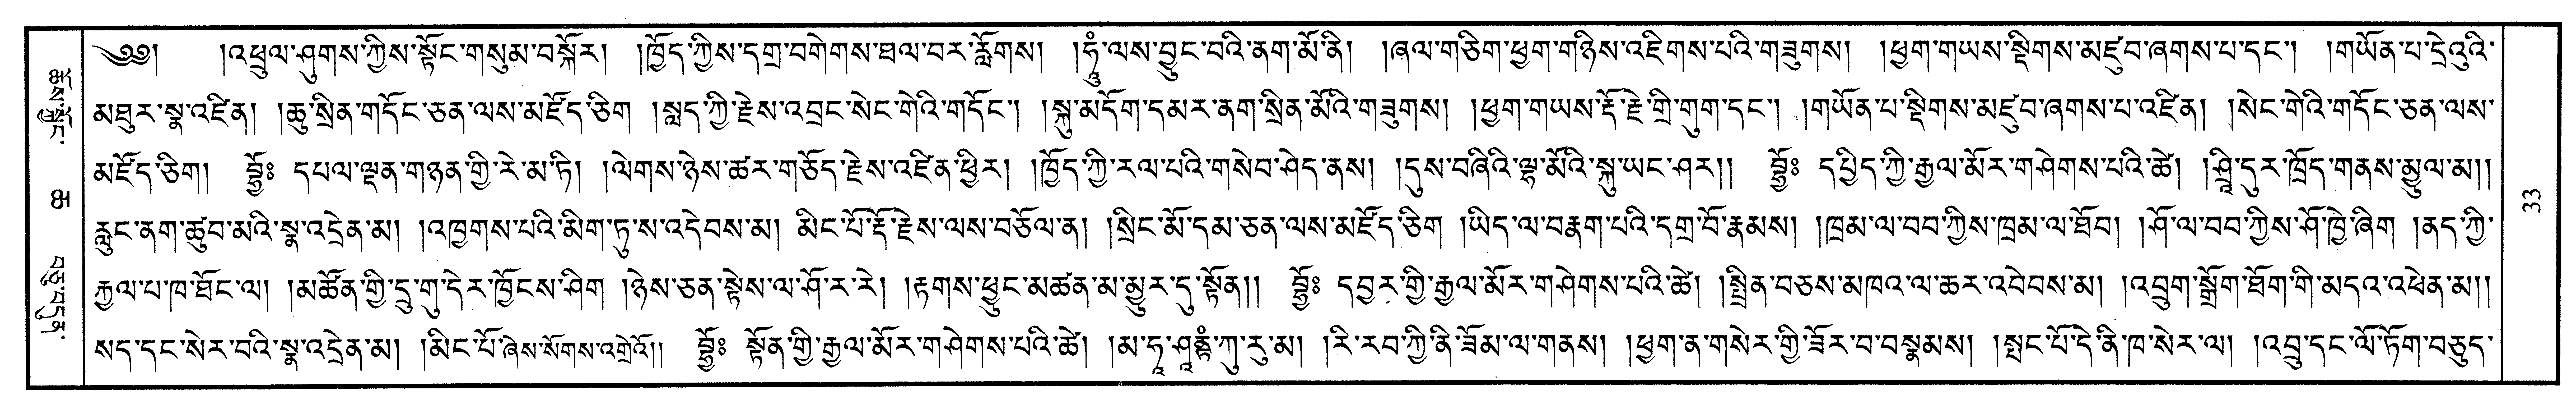༄༅། །འཕྲུལ་ཤུགས་ཀྱིས་སྟོང་གསུམ་བསྐོར། །ཁྱོད་ཀྱིས་དགྲ་བགེགས་ཐལ་བར་རློགས། །ཧཱུཾ་ལས་བྱུང་བའི་ནག་མོ་ནི། །ཞལ་གཅིག་ཕྱག་གཉིས་འཇིགས་པའི་གཟུགས། །ཕྱག་གཡས་སྡིགས་མཛུབ་ཞགས་པ་དང་། །གཡོན་པ་དྲེའུའི་
མཐུར་སྣ་འཛིན། །ཆུ་སྲིན་གདོང་ཅན་ལས་མཛོད་ཅིག །སླད་ཀྱི་རྗེས་འབྲང་སེང་གེའི་གདོང་། །སྐུ་མདོག་དམར་ནག་སྲིན་མོའི་གཟུགས། །ཕྱག་གཡས་རྡོ་རྗེ་གྲི་གུག་དང་། །གཡོན་པ་སྡིགས་མཛུབ་ཞགས་པ་འཛིན། །སེང་གེའི་གདོང་ཅན་ལས་
མཛོད་ཅིག། བྷྱོཿ དཔལ་ལྡན་གཉན་གྱི་རེ་མ་ཏི། །ལེགས་ཉེས་ཚར་གཅོད་རྗེས་འཛིན་ཕྱིར། །ཁྱོད་ཀྱི་རལ་པའི་གསེབ་ཤེད་ནས། །དུས་བཞིའི་ལྷ་མོའི་སྐུ་ཡང་ཤར།། བྷྱོཿ དཔྱིད་ཀྱི་རྒྱལ་མོར་གཤེགས་པའི་ཚེ། །ཤྲཱི་དུར་ཁྲོད་གནས་མྱུལ་མ།།
རླུང་ནག་ཚུབ་མའི་སྣ་འདྲེན་མ། །འཁྱགས་པའི་མིག་ཏུ་ས་འདེབས་མ། མིང་པོ་རྡོ་རྗེས་ལས་བཅོལ་ན། །སྲིང་མོ་དམ་ཅན་ལས་མཛོད་ཅིག །ཡིད་ལ་བརྣག་པའི་དགྲ་བོ་རྣམས། །ཁྲམ་ལ་བབ་ཀྱིས་ཁྲམ་ལ་ཐོབ། །ཤོ་ལ་བབ་ཀྱིས་ཤོ་ཁྱེ་ཞིག །ནད་ཀྱི་
རྐྱལ་པ་ཁ་ཐོང་ལ། །མཚོན་གྱི་དྲུ་གུ་དེར་ཁྱོངས་ཤིག །ཉེས་ཅན་སྟེས་ལ་ཤོ་ར་རེ། །རྟགས་ཕྱུང་མཚན་མ་མྱུར་དུ་སྟོན།། བྷྱོཿ དབྱར་གྱི་རྒྱལ་མོར་གཤེགས་པའི་ཚེ། །སྤྲིན་བཅས་མཁའ་ལ་ཆར་འབེབས་མ། །འབྲུག་སྒྲོག་ཐོག་གི་མདའ་འཕེན་མ།།
སད་དང་སེར་བའི་སྣ་འདྲེན་མ། །མིང་པོ་ཞེས་སོགས་འགྲེའོ།། བྷྱོཿ སྟོན་གྱི་རྒྱལ་མོར་གཤེགས་པའི་ཚེ། །མ་ཧཱ་ཤཱནྟཾ་ཀུ་རུ་མ། །རི་རབ་ཀྱི་ནི་ཟོམ་ལ་གནས། །ཕྱག་ན་གསེར་གྱི་ཟོར་བ་བསྣམས། །སྤང་པོ་དེ་ནི་ཁ་སེར་ལ། །འབྲུ་དང་ལོ་ཏོག་བཅུད་